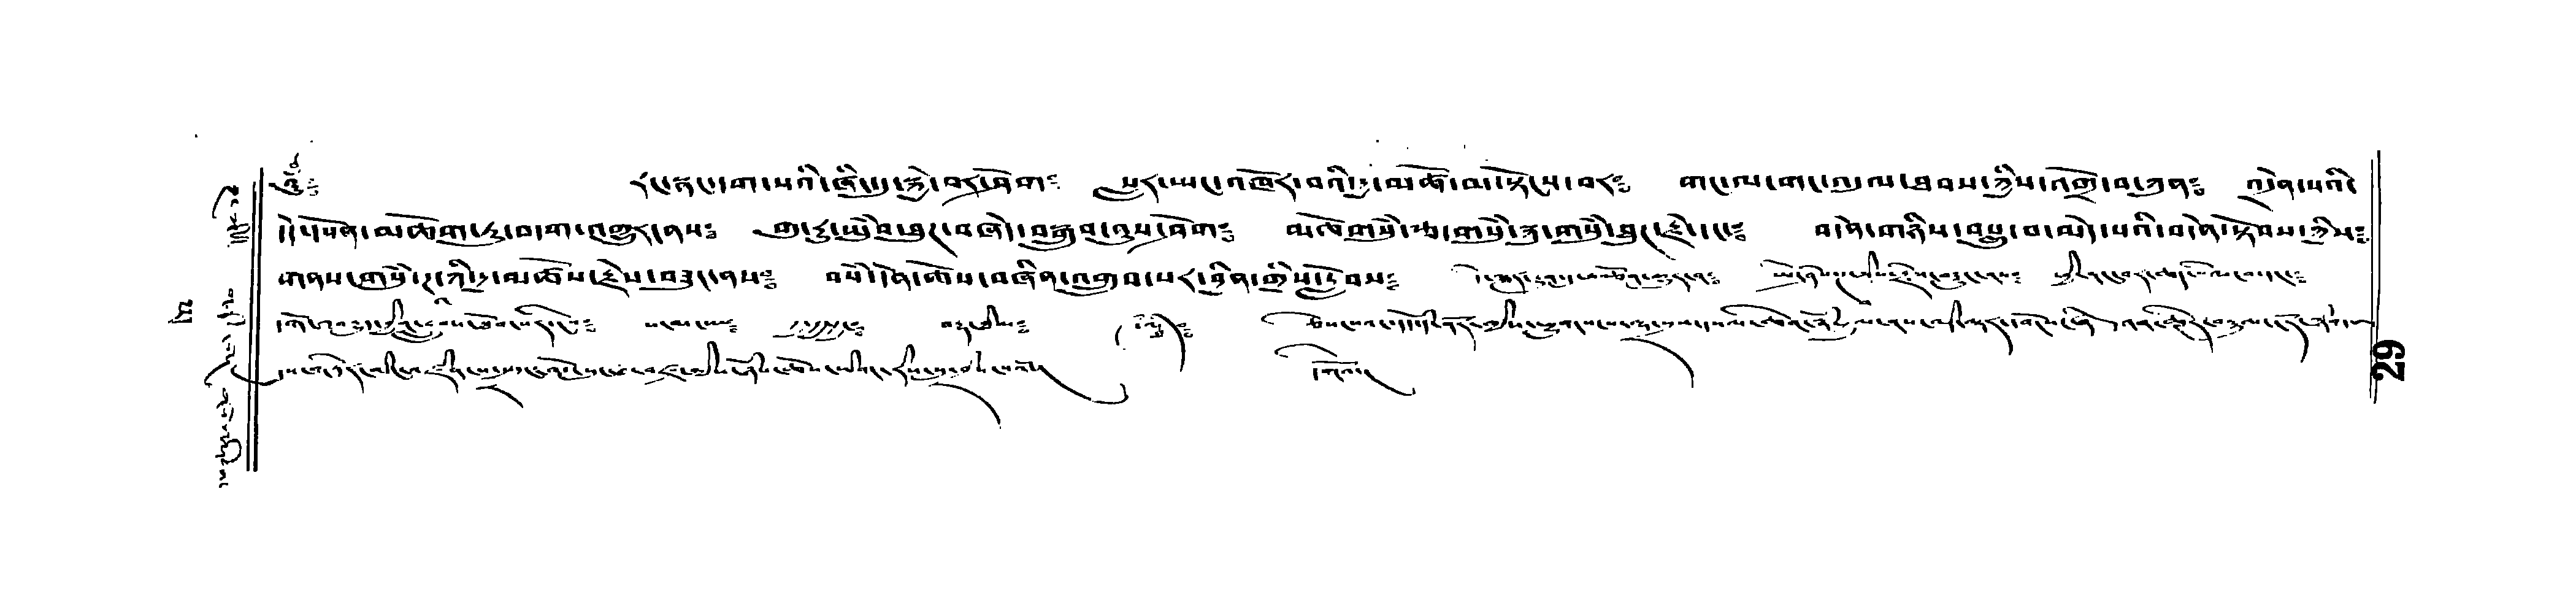རང་སྣང་དག་པའི་ཞིང་དུ་སྐྱེ་བར་ཤོག༔ སླར་ཡང་འཁོར་བའི་རྒྱ་མཚོ་མ་སྟོངས་བར༔ གང་ལ་གང་འདུལ་ཐབས་ཀྱིས་འགྲོ་བ་ཀུན༔ འདྲེན་པའི་
དེད་དཔོན་མཆོག་ཏུ་བདག་འགྱུར་ནས༔ གུ་རུ་ཡབ་ཡུམ་ཐུགས་བཞེད་བསྒྲུབ་ནུས་ཤོག༔ མཆོག་གསུམ་རྩ་གསུམ་སྐུ་གསུམ་ཐུགས་རྗེ་དང༔ བདེན་གཉིས་བསླུ་བ་མེད་པའི་བདེན་སྟོབས་ཀྱིས༔ 
གནས་གསུམ་ཌཱ་ཀི་རྒྱ་མཚོས་རྗེས་བཟུང་ནས༔ བསམ་དོན་ཆོས་བཞིན་འགྲུབ་པར་བྱིན་གྱིས་རློབས༔ དེ་ལྟར་རྒྱུན་དུ་བརྩོན་གྱུར་ན༔ ཡེ་ཤེས་ཌཱ་ཀིས་རྗེས་བཟུང་ནས༔ ཕྱི་ནང་བར་ཆད་སེལ་བ་དང༔ 
དགོངས་བརྒྱུད་བྱིན་རླབས་ཐོབ་པར་ངེས༔ ས་མ་ཡ༔ རྒྱ་རྒྱ་རྒྱ༔ བརྡ་ཐིམ༔ ༔ ཅེས་པའང་དད་དམ་ནོར་གྱིས་ཕྱུག་པ་ལྷ་སྲས་དཔལ་ཆེན་རྣམ་རྒྱལ་ནས་འདི་ལྟར་དགོས་ཞེས་ནན་ཆེར་བསྐུལ་ངོར་སྙིགས་
དུས་གཏེར་མིང་འཛིན་པ་སྤྲང་མོ་སུ་ཁ་བཛྲ་གྱིས་ཉམས་ཆོས་ཡིག་རིས་སུ་བྲིས་པའོ།། དགེའོ།།